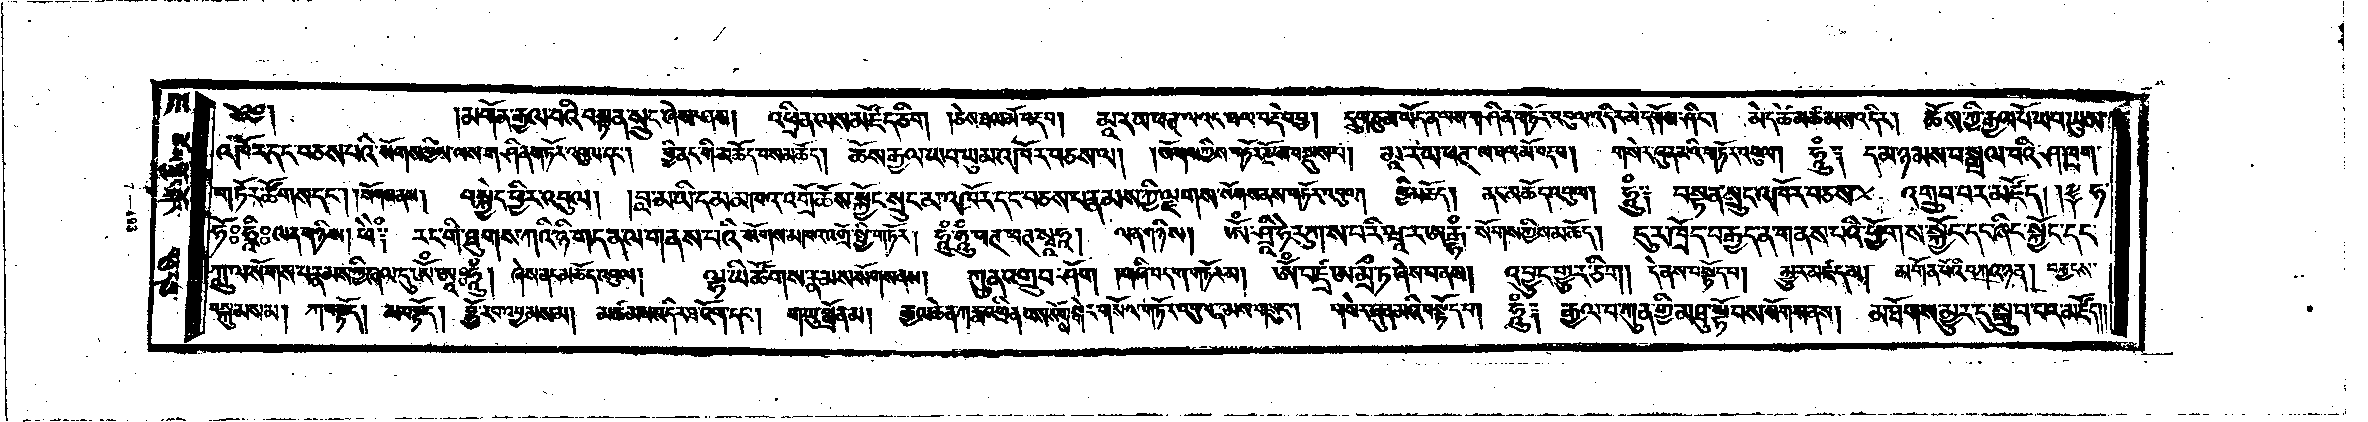༄༅། །མགོན་རྒྱལ་བའི་བསྟན་སྲུང་ཞེས་པ་ནས།  འཕྲིན་ལས་མཛོད་ཅིག་།ཅེས་ཐལ་མོ་བརྡབ།  མཱར་ས་ཕཊ་ལའང་ཐལ་བརྡེབ་བྱ།  དྲུག་ཅུམ་ཡོད་ན་ལས་གཤིན་གཏོར་འབུལ་འདིར་མི་དགོས་ཤིད། མེད་ཚེ་མཚམས་འདིར། ཆོས་ཀྱི་རྒྱལ་པོ་ཡང་ཡུམ་
འཁོར་བང་བཅས་པའི་སོགས་ཀྱིས་ལས་གཤིན་གཏོར་འབུལ་དང་། ཕྱི་ནང་གི་མཆོད་པས་མཆོད།  ཆོས་རྒྱལ་ཡབ་ཡུམ་འཁོར་བཅས་ལ། །སོགས་ཀྱིས་གཏོར་རྫོངས་བསྡུས་པ།  མཱ་ར་ཡ་ཕཊ་ལར་ལ་མོ་བརྡབ། གསེར་ཞུན་མའི་གཏོར་འབུལ།  ཧཱུཾ༑ དམ་ཉམས་བསྒྲལ་བའི་ཤ་ཁྲག་
གཏོར་ཚོགས་དང་། །སོགས་ནས།  བསྐྱེད་ཕྱིར་འབུལ། །བླ་མ་ཡི་དམ་མཁའ་འགྲོ་ཆོས་སྐྱོང་སྲུང་མ་འཁོར་དང་བཅས་པ་རྣམས་ཀྱི་ལྗགས་སོགས་ནས་གཏོར་འབུལ། ཕྱི་མཆོད། ནང་མཆོད་འབུལ།  ཧཱུཾ༑ བསྟན་སྲུང་འཁོར་བཅས་྾་འགྲུབ་པར་མཛོད། །༈ ཧ་
ཧོཿཧྲཱིཿལན་གཉིས།  ཕཻཾ༑ རང་གི་ཐུགས་ཀའི་ཉི་གདན་ལ་གནས་པའི་སོགས་མཁའ་འགྲོ་སྤྱི་གཏོར།  ཧཱུཾ་ཧཱུཾ་ཕཊ་ཕཊ་སྭཱཧཱ། ལན་གཉིས།  ཨོཾ་ཤྲཱི་ཧེ་རུ་ཀ་ཨ་པ་རི་ཝཱ་ར་ཨརྒྷཾ༑ སོགས་ཀྱིས་མཆོད།  དུར་ཁྲོད་བརྒྱད་ན་གནས་པའི་ཕྱོགས་སྐྱོང་དང་ཞིང་སྐྱོང་དང་
ཀླུ་ལ་སོགས་པ་རྣམས་ཀྱི་ཞལ་དུ་ཨོཾ་ཨཱཿཧཱུཾ། ཞེས་ནང་མཆོད་འབུལ།  ལྷ་ཡི་ཚོགས་རྣམས་སོགས་ནས།  ཀུན་འགྲུབ་ཤོག་།གཞི་བདག་གཏོར་མ།  ཨོཾ་བཛྲ་ཨམྲྀ་ཏ་ཞེས་པ་ནས།  འབྱུང་གྱུར་ཅིག། དེ་ནས་བསྟོད་པ། མྱུར་མཛད་མ། མགོན་པོའི་བཀའ་ཉན། བརྒྱངས་
བསྐུམས་མ། ཀ་བསྟོད། མ་བསྟོད། བྷྱོ་རབ་འབྱམས་མ། མཚམས་འདིར་ཐ་འོག་དང་། གཡུ་སྒྲོན་མ། རྒྱལ་ཆེན་ཀརྨ་འཕྲིན་ལས་སོགས་སྒེར་གསོལ་གཏོར་འབུལ་རྣམས་གསུང་། གསེར་ཞུན་མའི་བསྟོད་པ། ཧཱུཾ༑ རྒྱལ་བ་ཀུན་གྱི་མཐུ་སྟོབས་སོགས་ནས༑  མ་ཐོགས་མྱུར་དུ་སྒྲུབ་པར་མཛོད། །